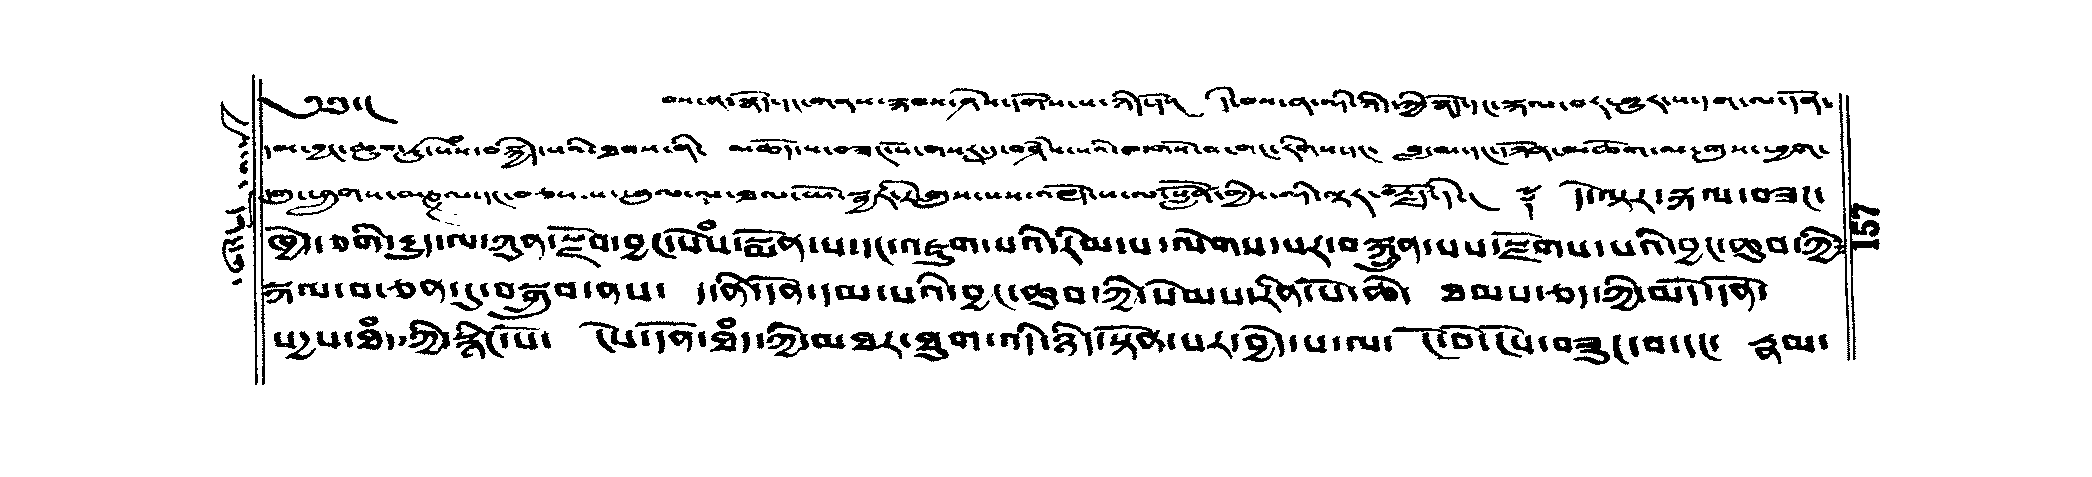བས་ན་སྣོད་དང་གནས་སྐབས་ཤེས་དགོས་པ་ཉིད་དོ། དེ་བས་ན་འདི་ཉིད་ཀྱི་སྣོད་དང་སྐལ་བར་གྱུར་པ་དག་ལ་དོན་
དམ་བྱང་ཆུབ་སེམས་བསྐྱེད་པའི་ཐབས་ནི། མཆོད་པ་བཟང་པོ་གསར་དུ་བཤམས་པའི་ཁ་གསོ་བ་གང་རིགས་དང་། བླ་མ་དང་དཀོན་མཆོག་ལ་གུས་ཕྱག་
དགུ་ཕྲུགས་མཎྜལ་དང་བཅས་པ་ཕུལ་ལ་ཐལ་མོ་སྦྱར་ཏེ་གུས་པས་འཁོད་པ་ལ་སློབ་དཔོན་གྱི་འདི་ལྟར་བརྗོད་དེ། ༈ དེ་ལྟར་སྐལ་བཟང་
ཁྱེད་ཅག་གི་རྒྱུད་ལ་ཀུན་རྫོབས་བྱང་སེམས་སྨོན་པ་དང་འཇུག་པའི་རིམ་པ་ལེགས་པར་བསྐྲུན་པས་རྫོགས་པའི་བྱང་ཆུབ་ཀྱི་
སྐལ་བ་ཅན་དུ་བསྒྲུབ་ནས། ད་ནི་དོན་མད་པའི་བྱང་ཆུབ་ཀྱི་སེམས་རིན་པོ་ཆེ། ཐམས་ཅད་ཀྱི་མདོ་དོན། 
སངས་རྒྱས་ཐམས་ཅད་ཀྱི་སྙིང་པོ། ངེས་དོན་ཐམས་ཅད་ཀྱི་མཐར་ཐུག་འདི་ཉིད་སྟོན་པར་བྱེད་པ་ལ། ངོ་བོ་ངོས་བཟུང་བ་དང་། རྣམ་